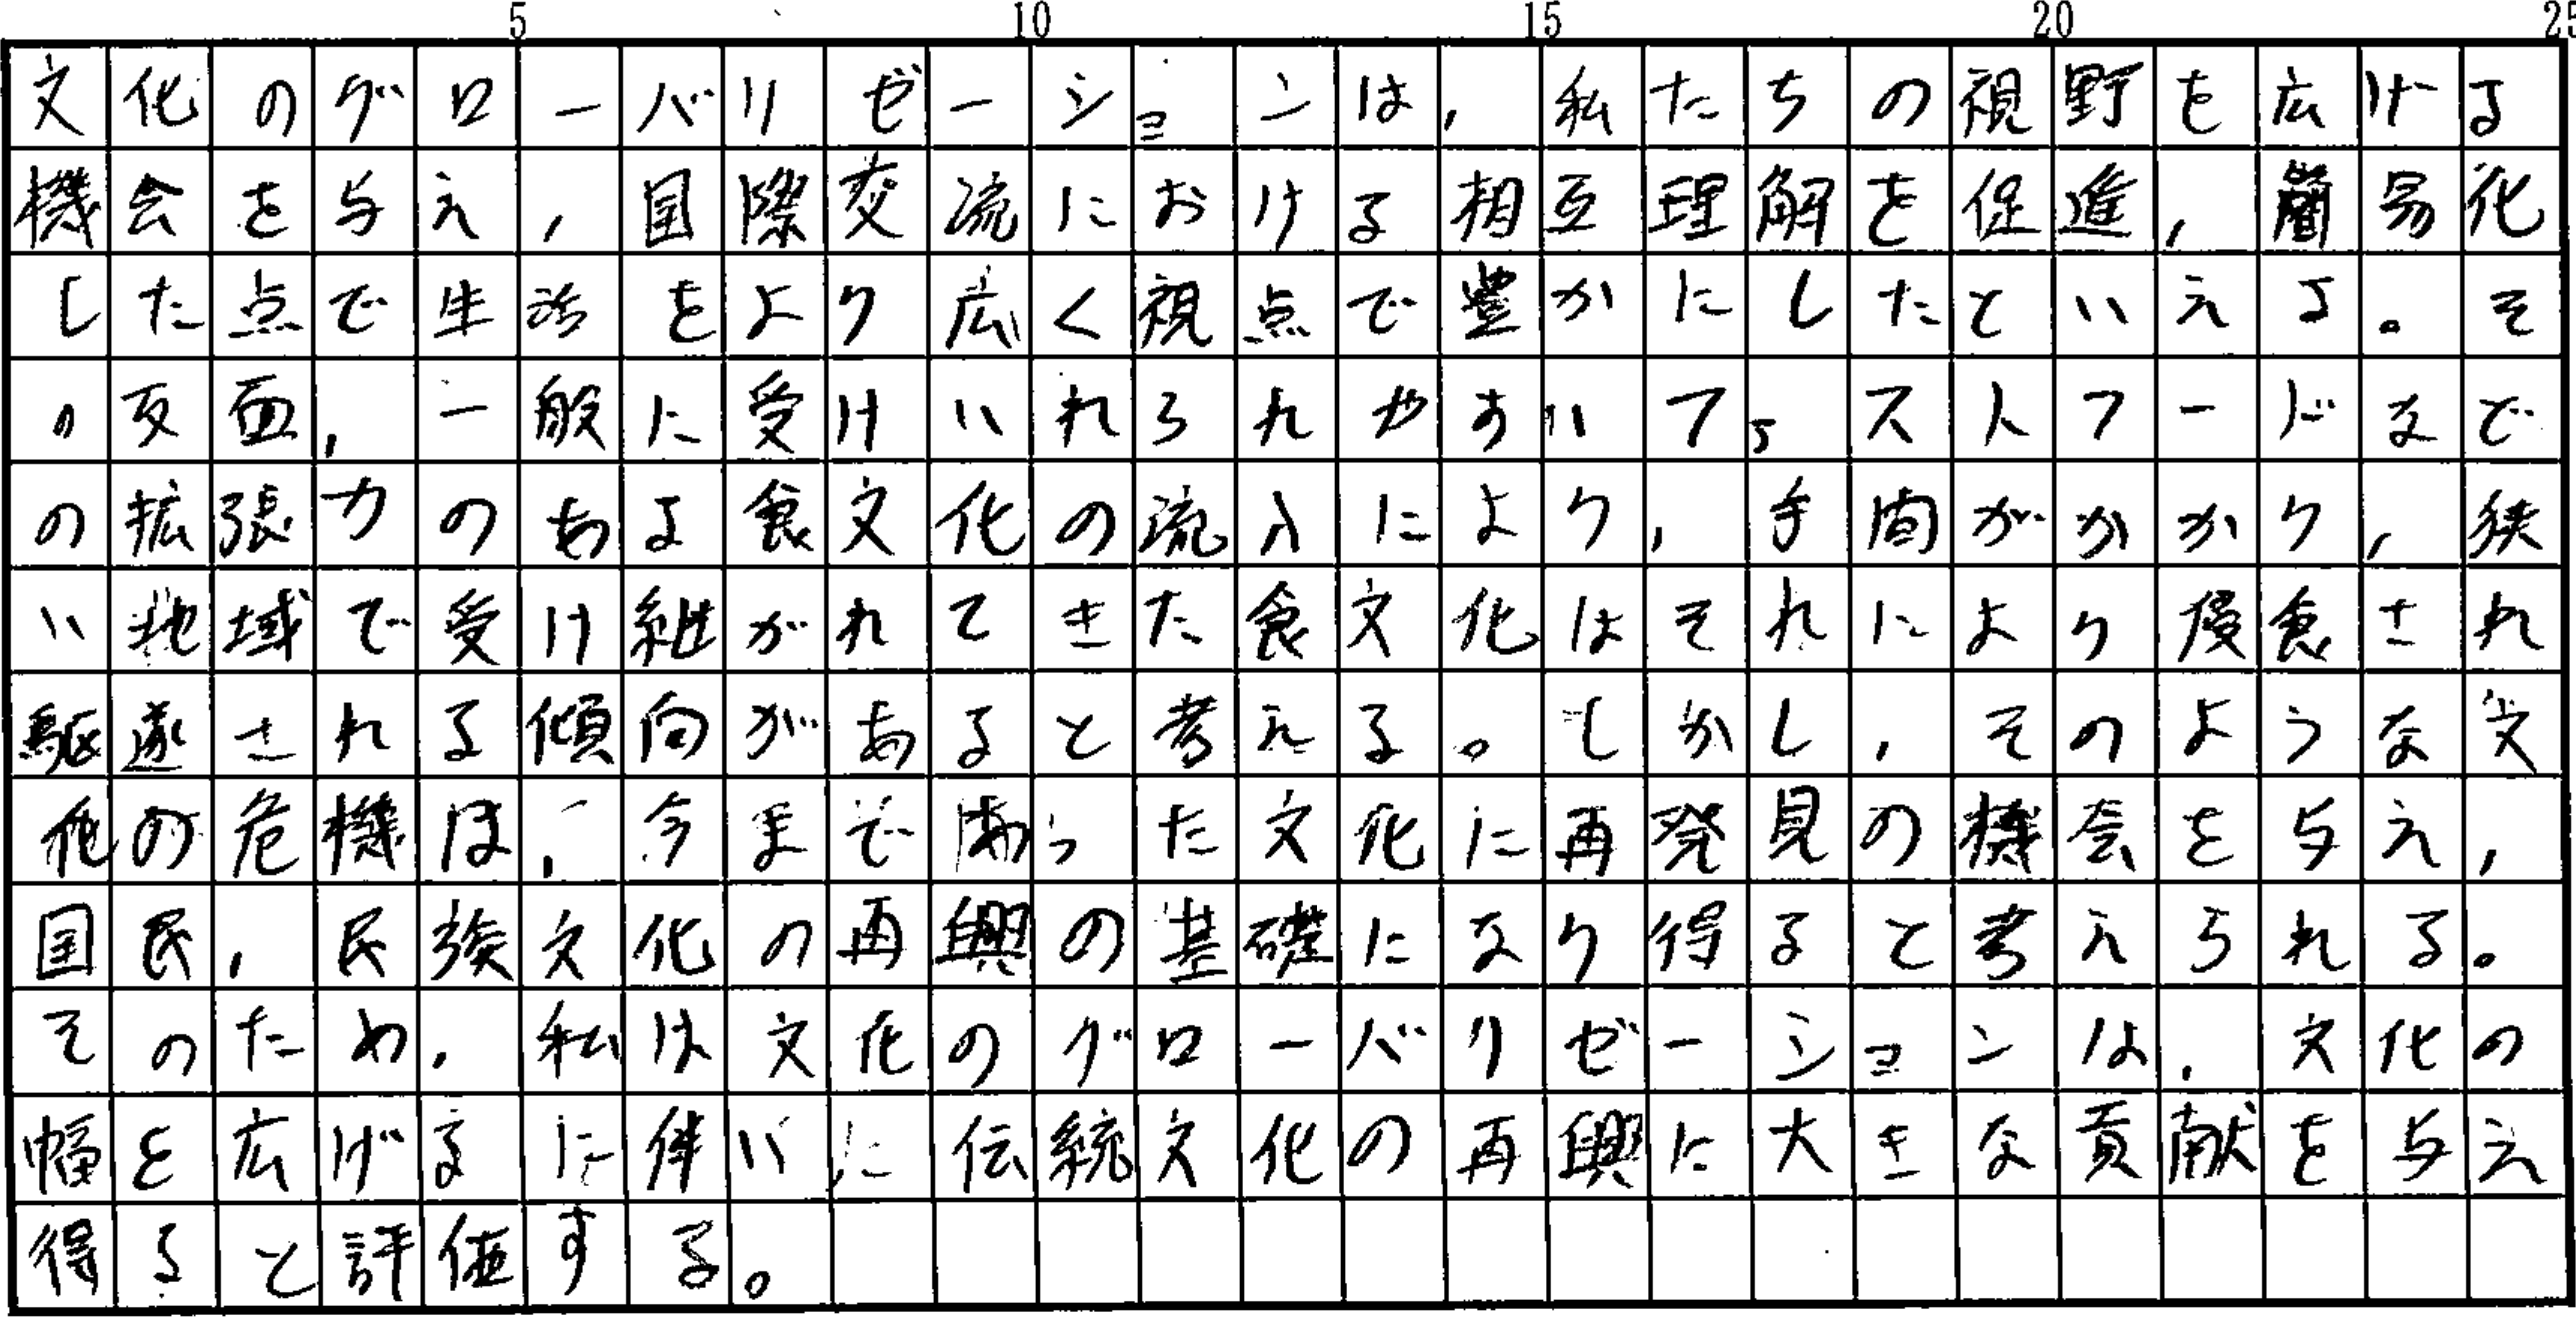文化のグローバリゼーションは、私たちの視野を広げる機会を与え、国際交流における相互理解を促進、簡易化した点で生活をより広く視点で豊かにしたといえる。その反面、一般に受けいれられやすいファストフードなどの拡張力のある食文化の流入により、手間がかかり、狭い地域で受け継がれてきた食文化はそれにより侵食され駆遂される傾向があると考える。しかし、そのような文化の危機は、今まであった文化に再発見の機会を与え、国民、民族文化の再興の基礎になり得ると考えられる。そのため、私は文化のグローバリゼーションは、文化の幅を広げるに伴い、伝統文化の再興に大きな貢献を与え得ると評価する。
